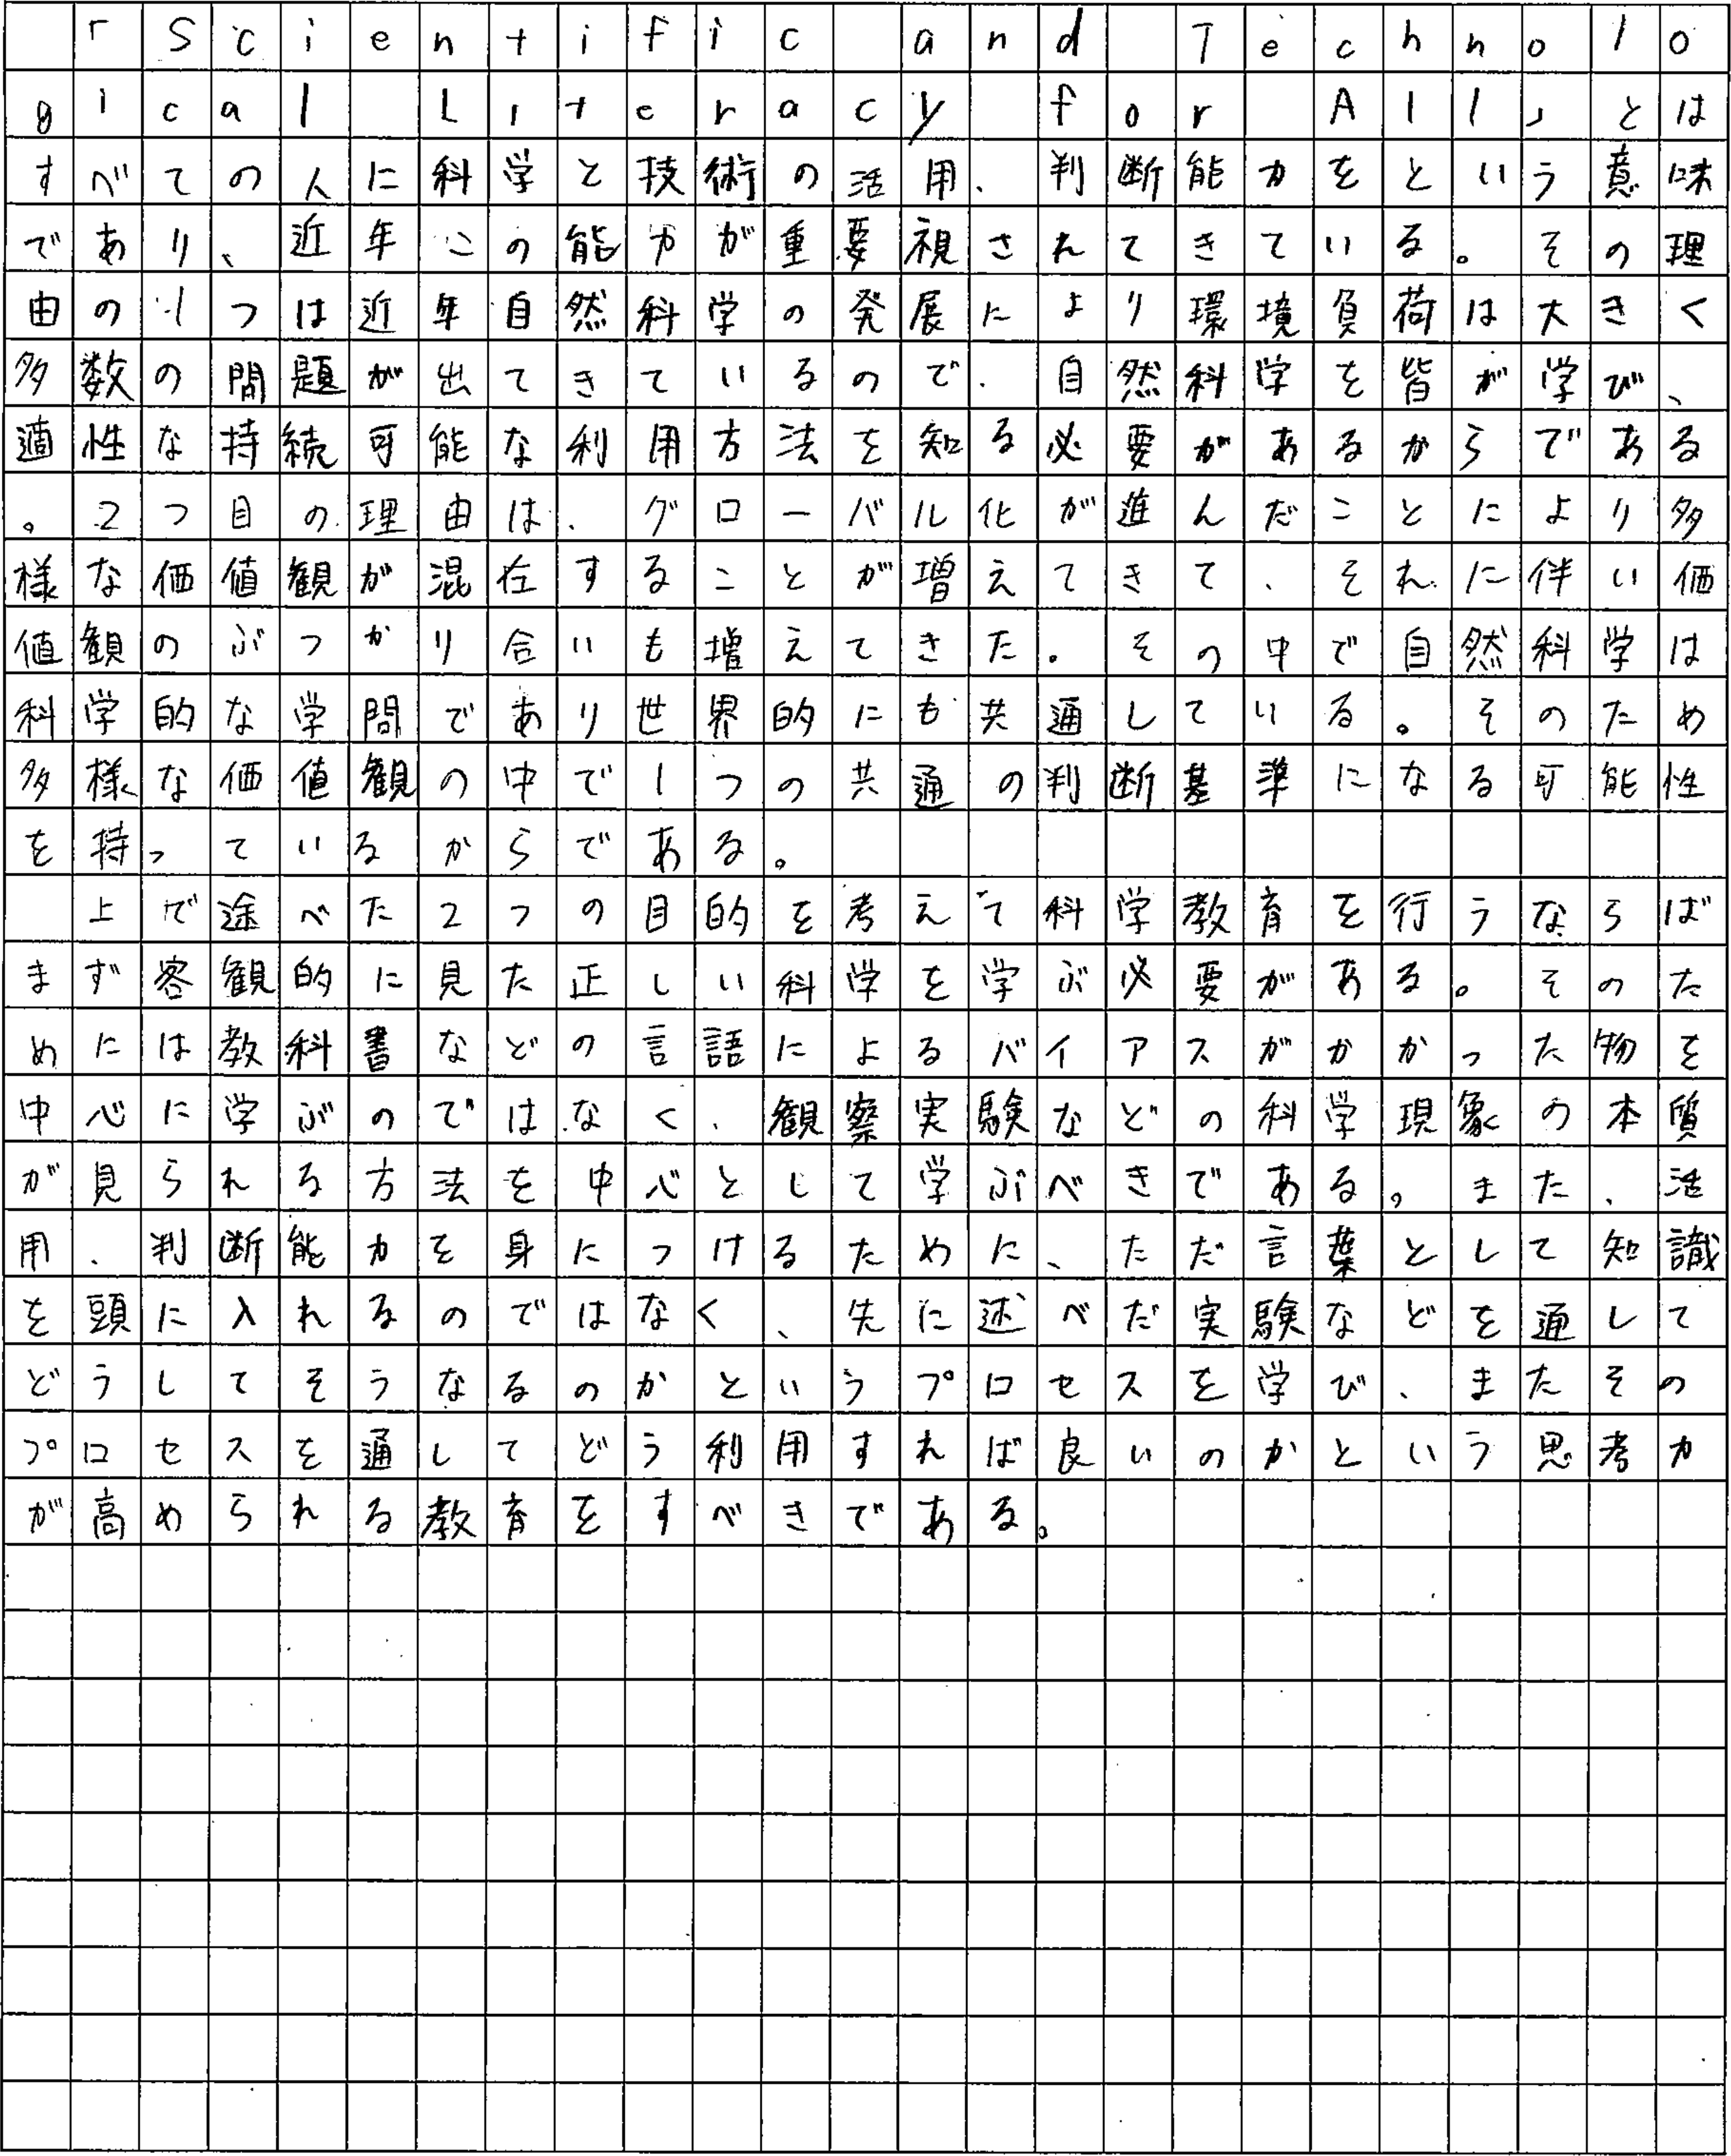　「Ｓｃｉｅｎｔｉｆｉｃ　ａｎｄ　Ｔｅｃｈｎｏｌｏｇｉｃａｌ　Ｌｉｔｅｒａｃｙ　ｆｏｒ　Ａｌｌ」とはすべての人に科学と技術の活用、判断能力をという意味であり、近年この能力が重要視されてきている。その理由の１つは近年自然科学の発展により環境負荷は大きく多数の問題が出てきているので、自然科学を皆が学び、適性な持続可能な利用方法を知る必要があるからである。２つ目の理由は、グローバル化が進んだことにより多様な価値観が混在することが増えてきて、それに伴い価値観のぶつかり合いも増えてきた。その中で自然科学は科学的な学問であり世界的にも共通している。そのため多様な価値観の中で１つの共通の判断基準になる可能性を持っているからである。
　上で途べた２つの目的を考えて科学教育を行うならばまず客観的に見た正しい科学を学ぶ必要がある。そのためには教科書などの言語によるバイアスがかかった物を中心に学ぶのではなく、観察実験などの科学現象の本質が見られる方法を中心として学ぶべきである。また、活用、判断能力を身につけるために、ただ言葉として知識を頭に入れるのではなく、先に述べた実験などを通してどうしてそうなるのかというプロセスを学び、またそのプロセスを通してどう利用すれば良いのかという思考力が高められる教育をすべきである。
